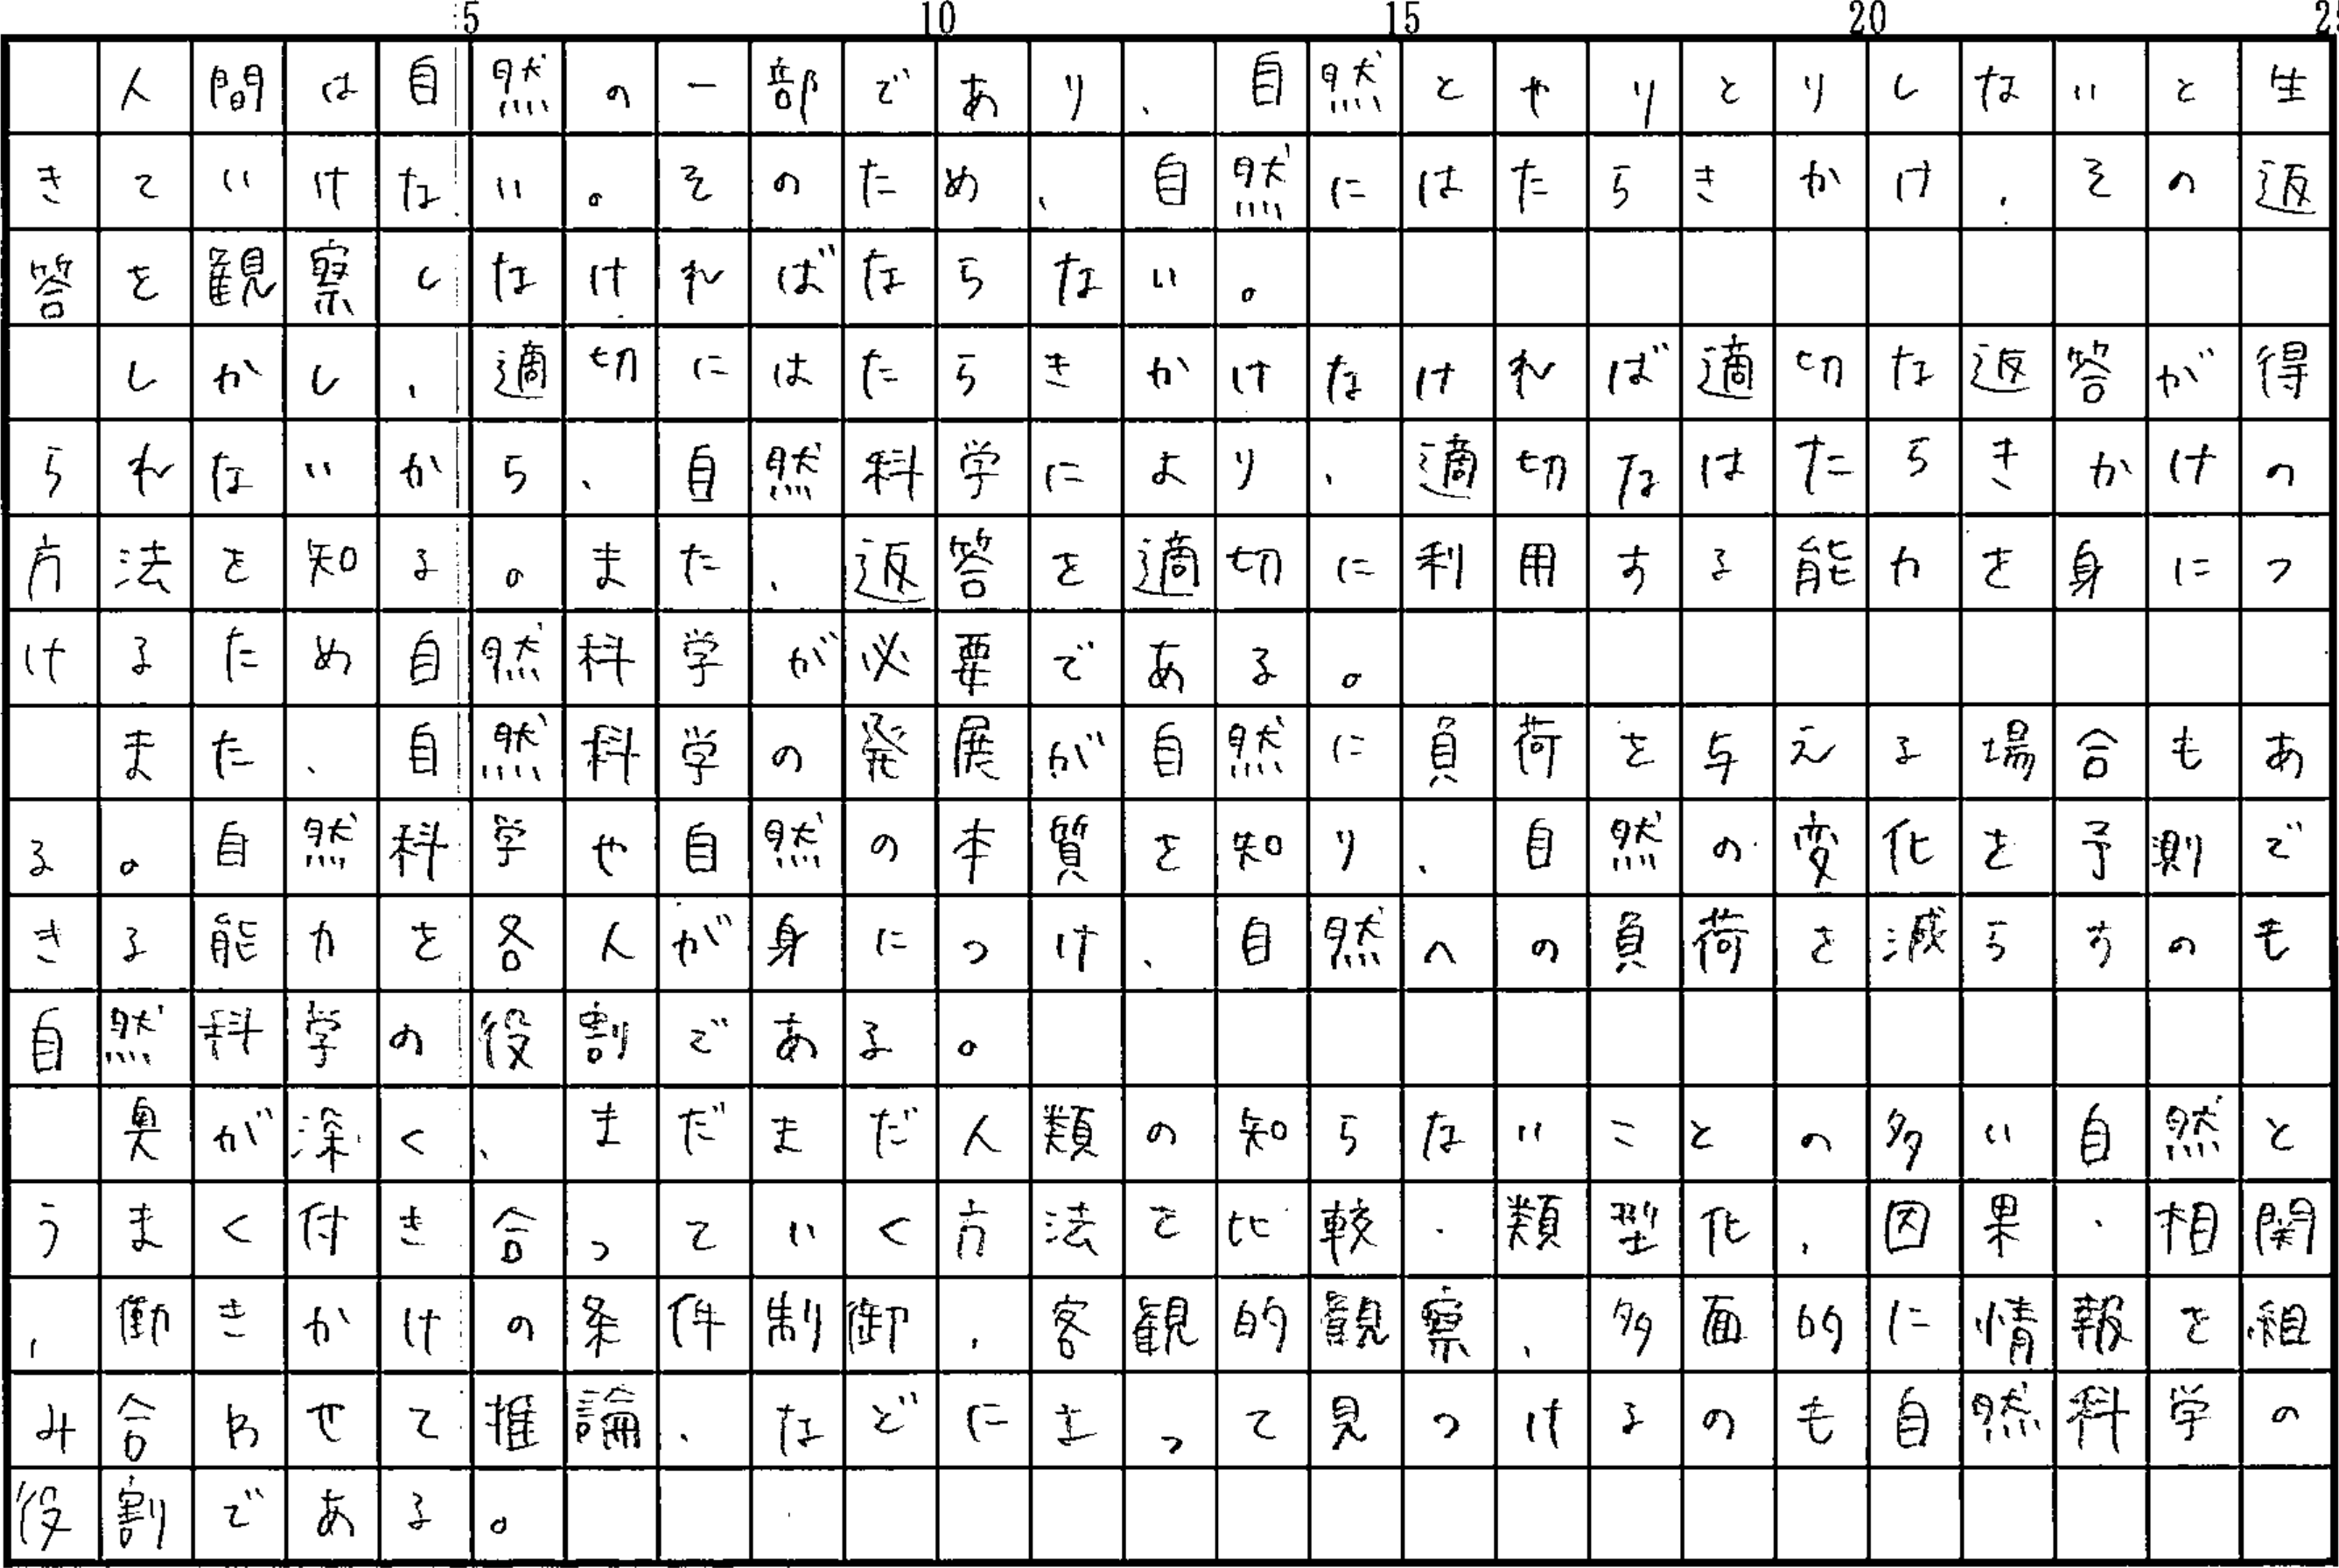　人間は自然の一部であり、自然とやりとりしないと生きていけない。そのため、自然にはたらきかけ、その返答を観察しなければならない。
　しかし、適切にはたらきかけなければ適切な返答が得られないから、自然科学により、適切なはたらきかけの方法を知る。また、返答を適切に利用する能力を身につけるため自然科学が必要である。
　また、自然科学の発展が自然に負荷を与える場合もある。自然科学や自然の本質を知り、自然の変化を予測できる能力を各人が身につけ、自然への負荷を減らすのも自然科学の役割である。
　奥が深く、まだまだ人類の知らないことの多い自然とうまく付き合っていく方法を比較・類型化、因果・相関、働きかけの条件制御、客観的観察、多面的に情報を組み合わせて推論、などによって見つけるのも自然科学の役割である。
